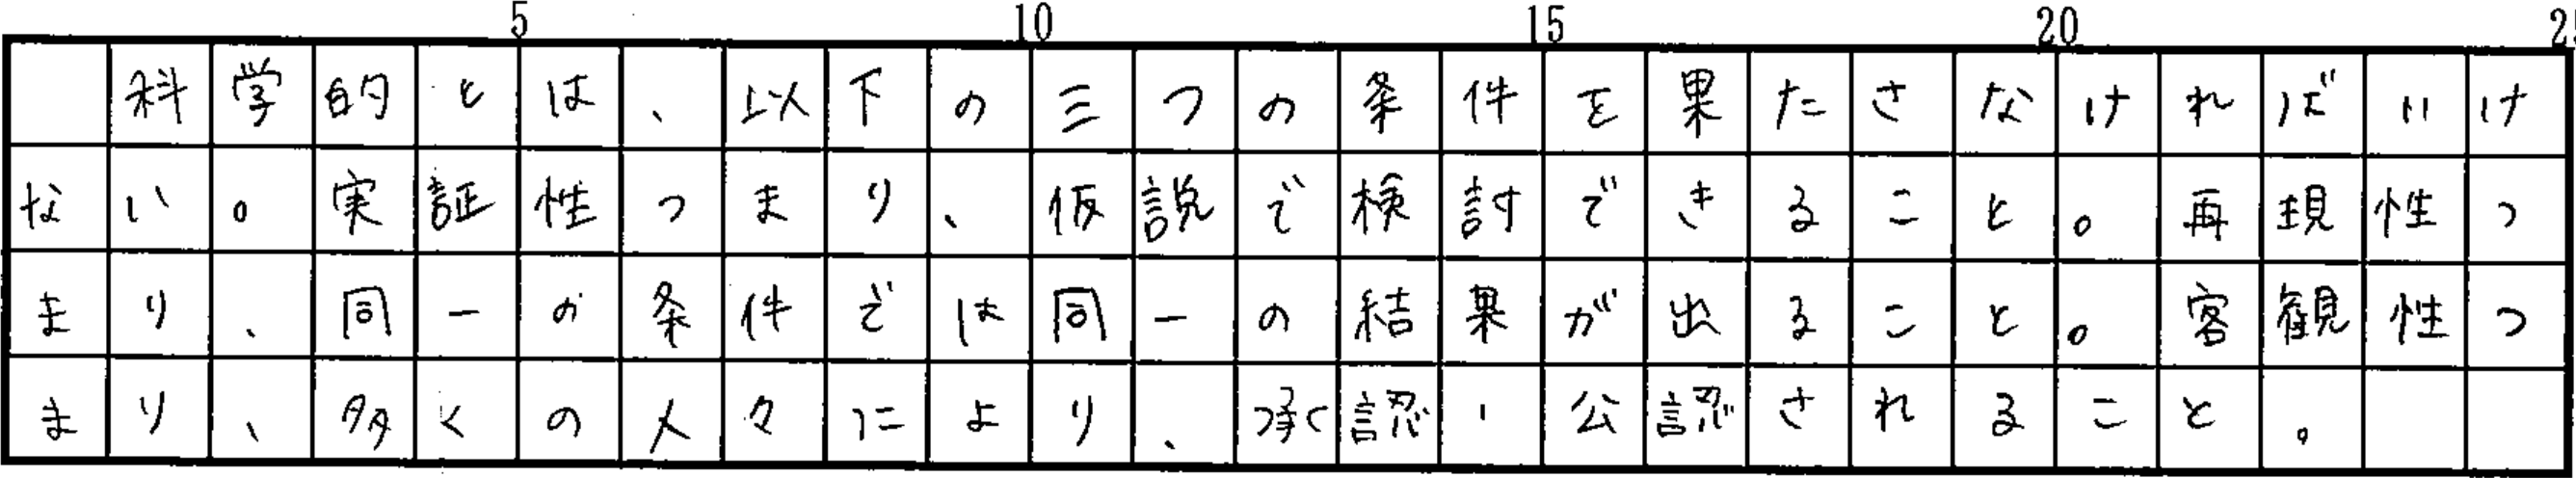　科学的とは、以下の三つの条件を果たさなければいけない。実証性つまり、仮説で検討できること。再現性つまり、同一の条件では同一の結果が出ること。客観性つまり、多くの人々により、承認・公認されること。
